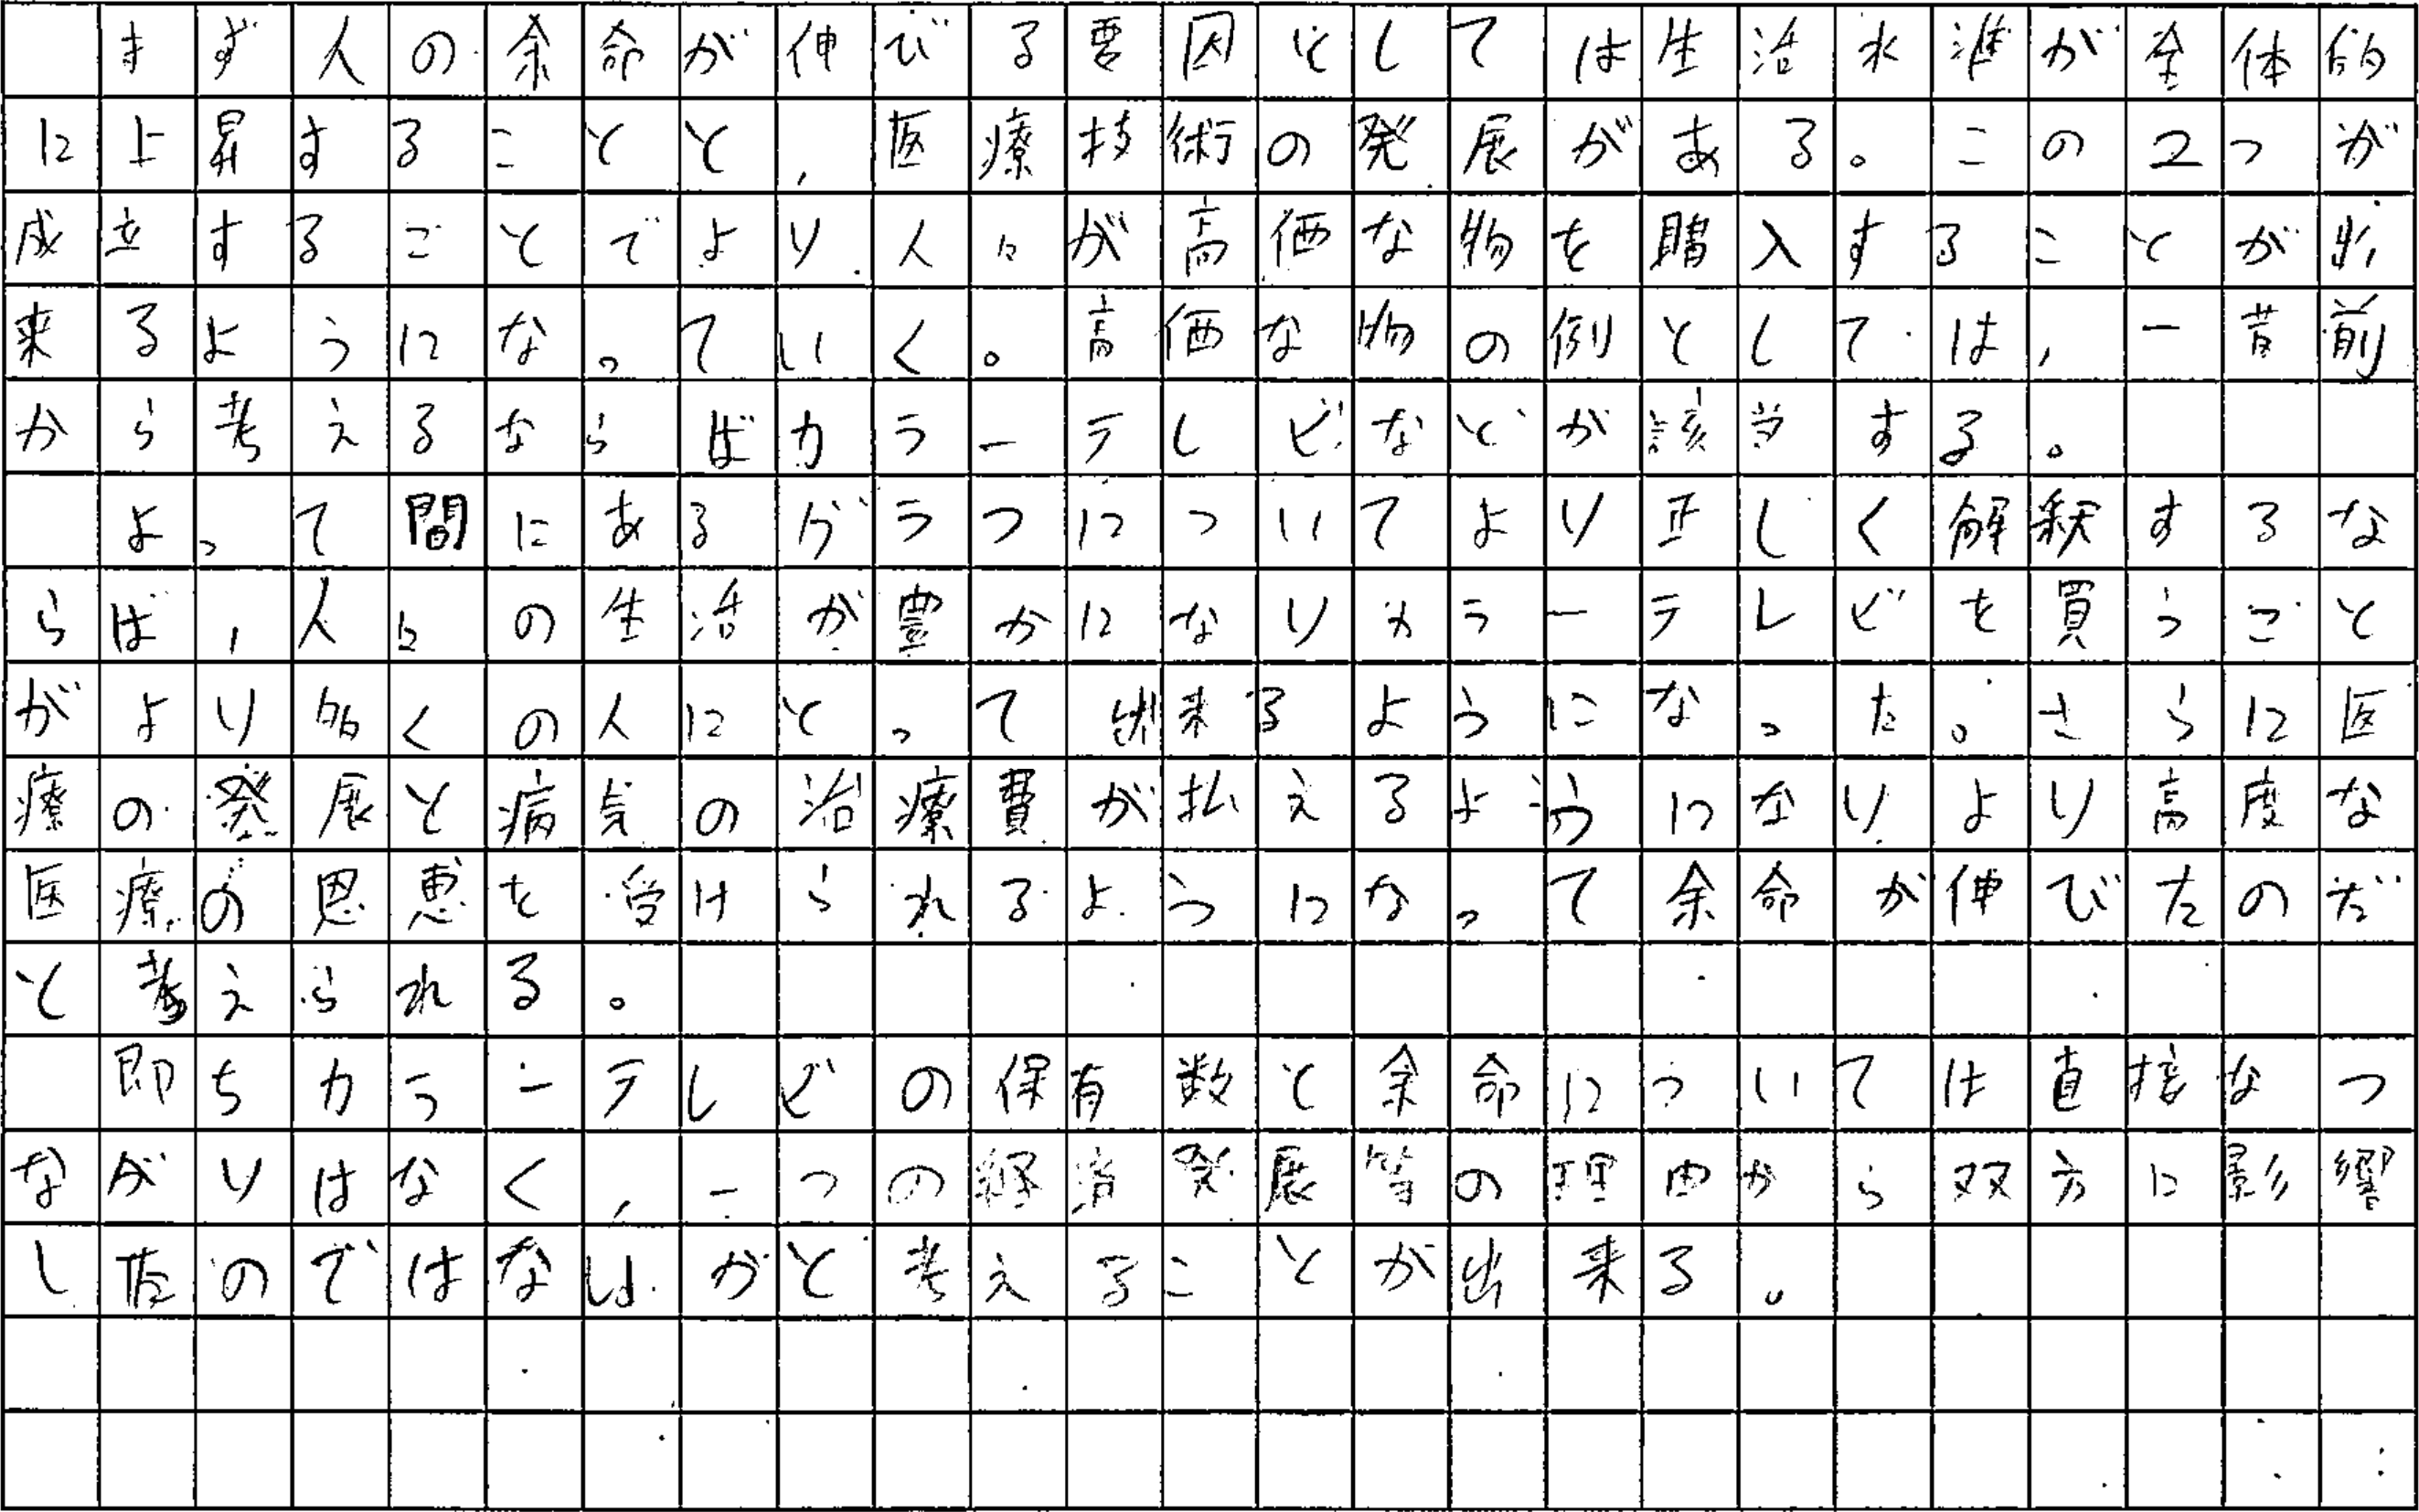　まず人の余命が伸びる要因としては生活水準が全体的に上昇することと、医療技術の発展がある。この２つが成立することでより人々が高価な物を購入することが出来るようになっていく。高価な物の例としては、一昔前から考えるならばカラーテレビなどが該当する。
　よって間にあるグラフについてより正しく解釈するならば、人々の生活が豊かになりカラーテレビを買うことがより多くの人にとって出来るようになった。さらに医療の発展と病気の治療費が払えるようになりより高度な医療の恩▁を受けられるようになって余命が伸びたのだと考えられる。
　即ちカラーテレビの保有数と余命については直接なつながりはなく、一つの経済発展等の理由から双方に影響したのではないかと考えることが出来る。
